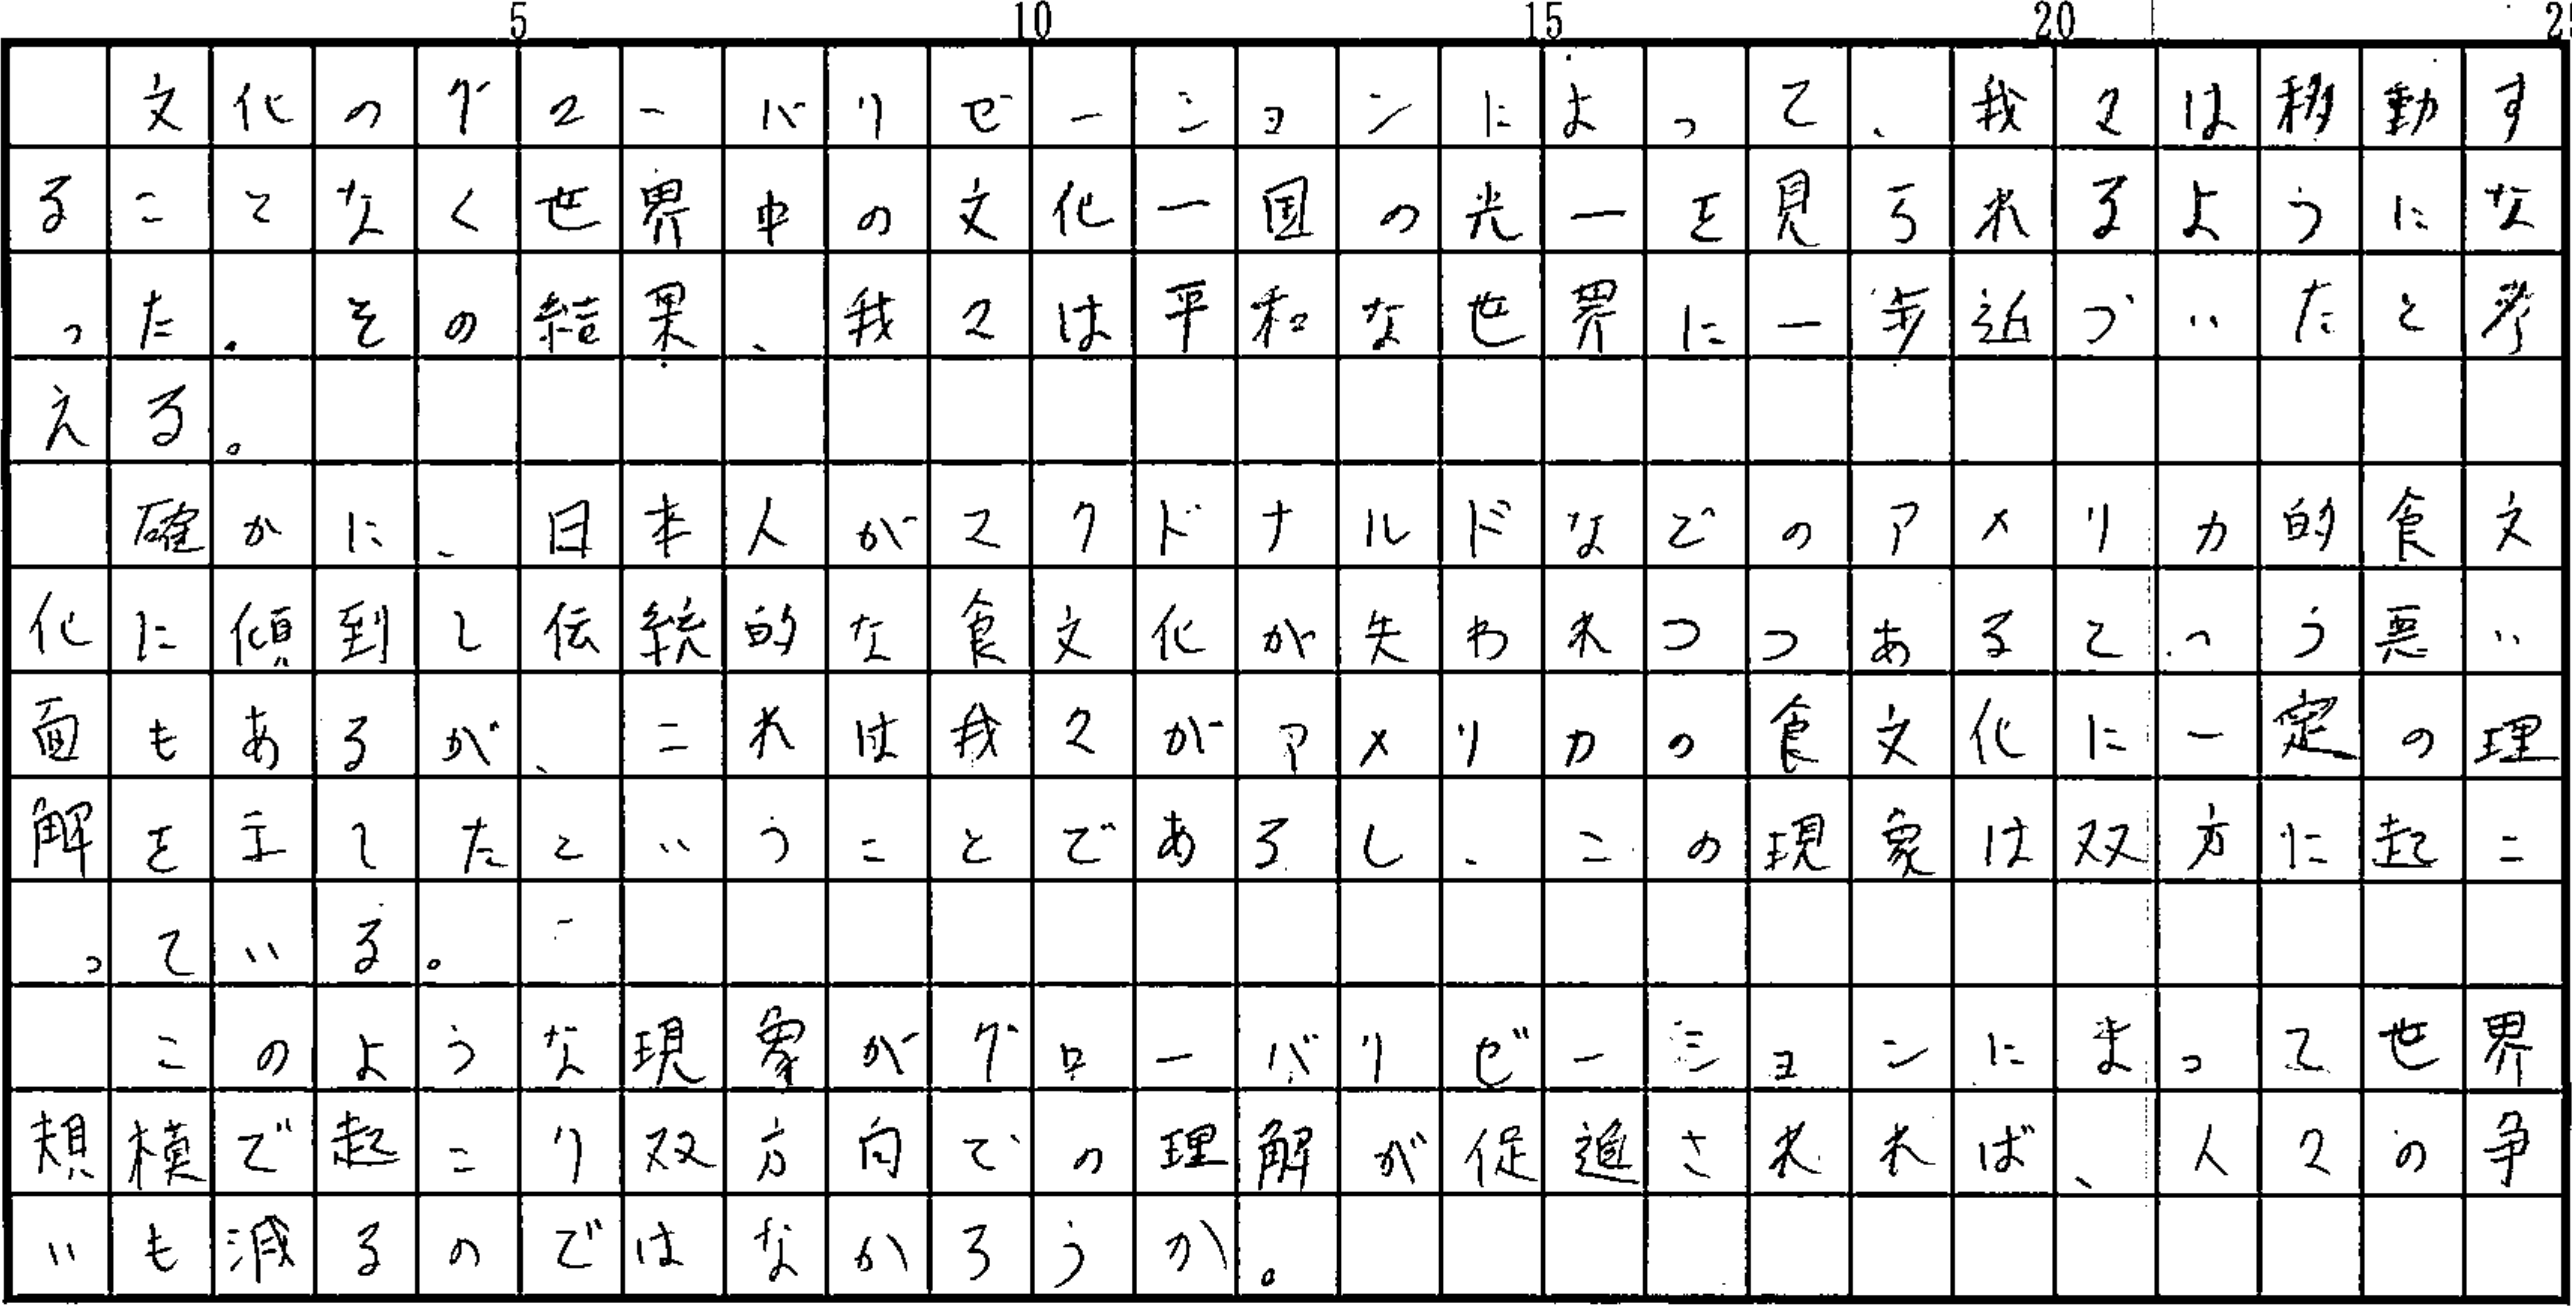　文化のグローバリゼーションによって、我々は移動することなく世界中の文化―国の光―を見られるようになった。その結果、我々は平和な世界に一歩近づいたと考える。
　確かに、日本人がマクドナルドなどのアメリカ的食文化に傾到し伝統的な食文化が失われつつあるという悪い面もあるが、これは我々がアメリカの食文化に一定の理解を示したということであるし、この現象は双方に起こっている。
　このような現象がグローバリゼーションによって世界規模で起こり双方向での理解が促進されれば、人々の争いも減るのではなかろうか。
